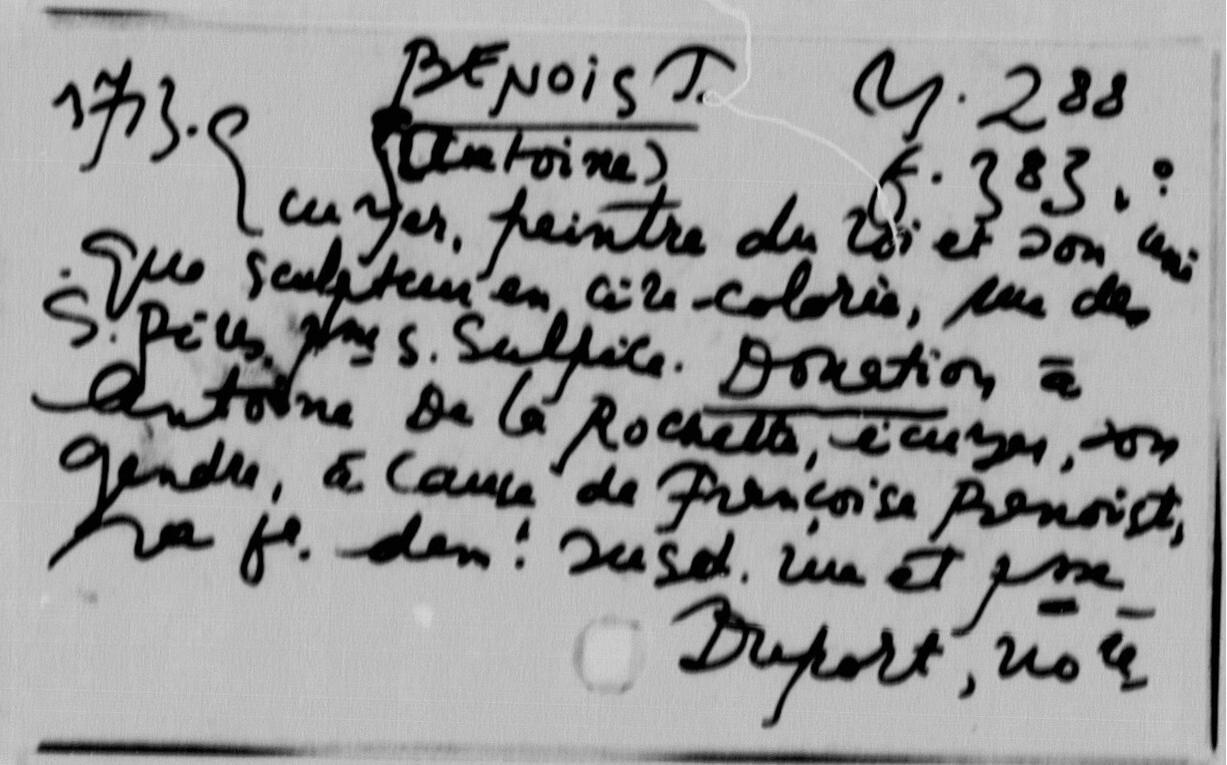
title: BENOIST (Antoine)
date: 1713
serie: Y
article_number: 288
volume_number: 383v
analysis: Écuyer, peintre du roi et son unique sculpteur en cire-colorée, rue des Saints-Pères, paroisse Saint- Sulpice. Donation à Antoine de La Rochelle, écuyer, son gendre, à cause de Françoise Benoist, sa femme, demeurant susdites rue et paroisse. Duport, notaire.
